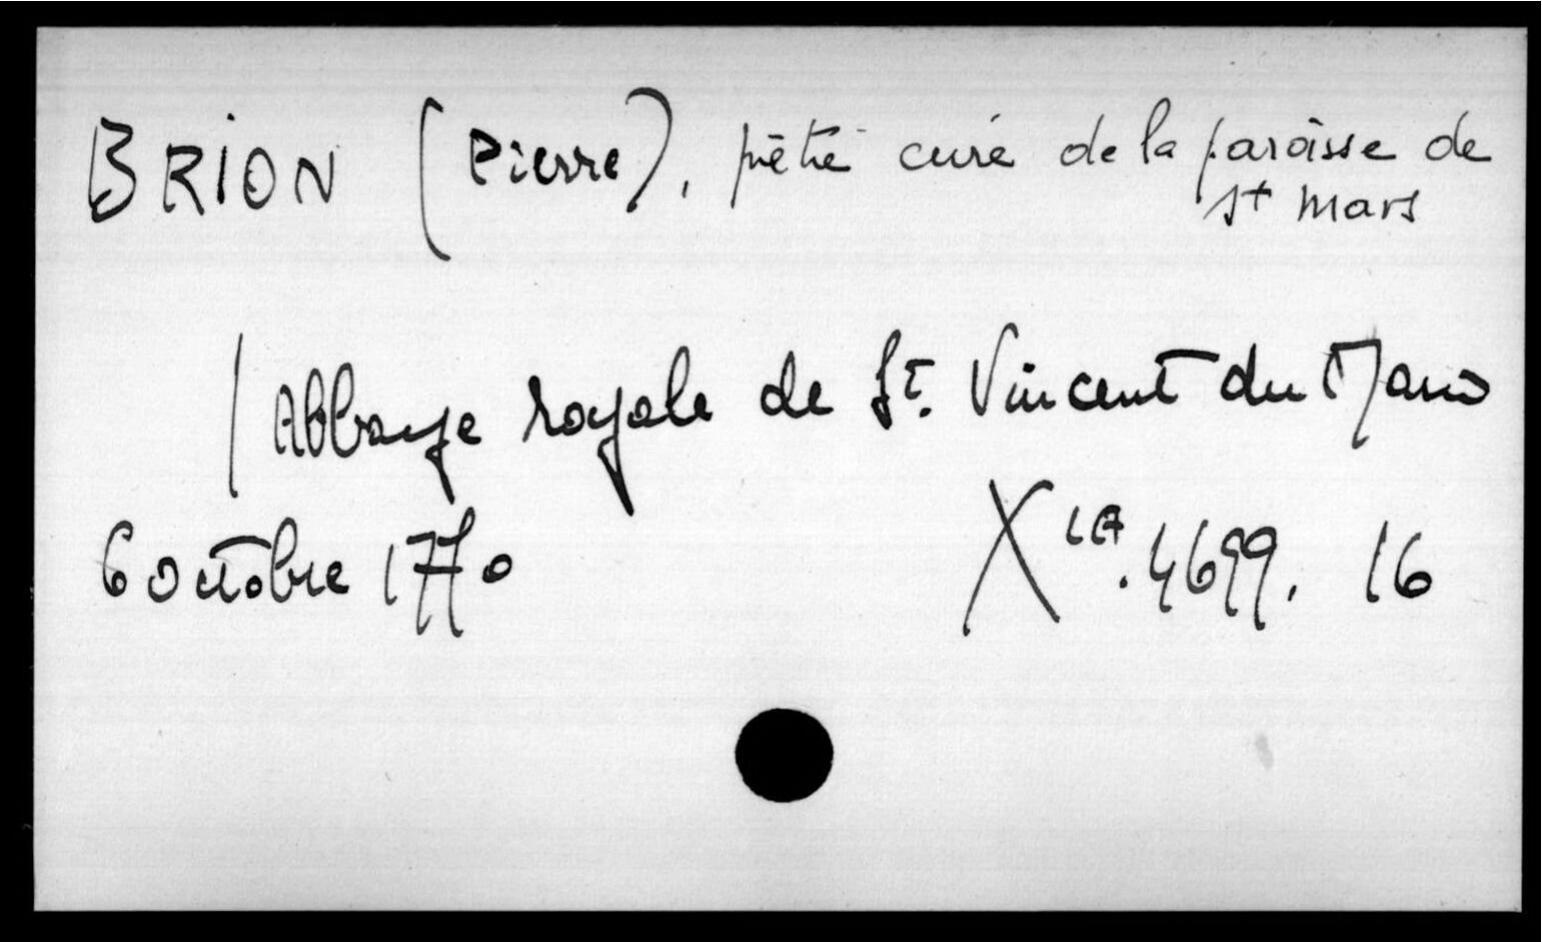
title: BRION (Pierre), prêtre curé de la paroisse de Saint-Mars
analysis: Contre Abbaye royale de Saint-Vincent du Mans
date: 6 octobre 1770
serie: X1A
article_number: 4699
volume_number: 16
